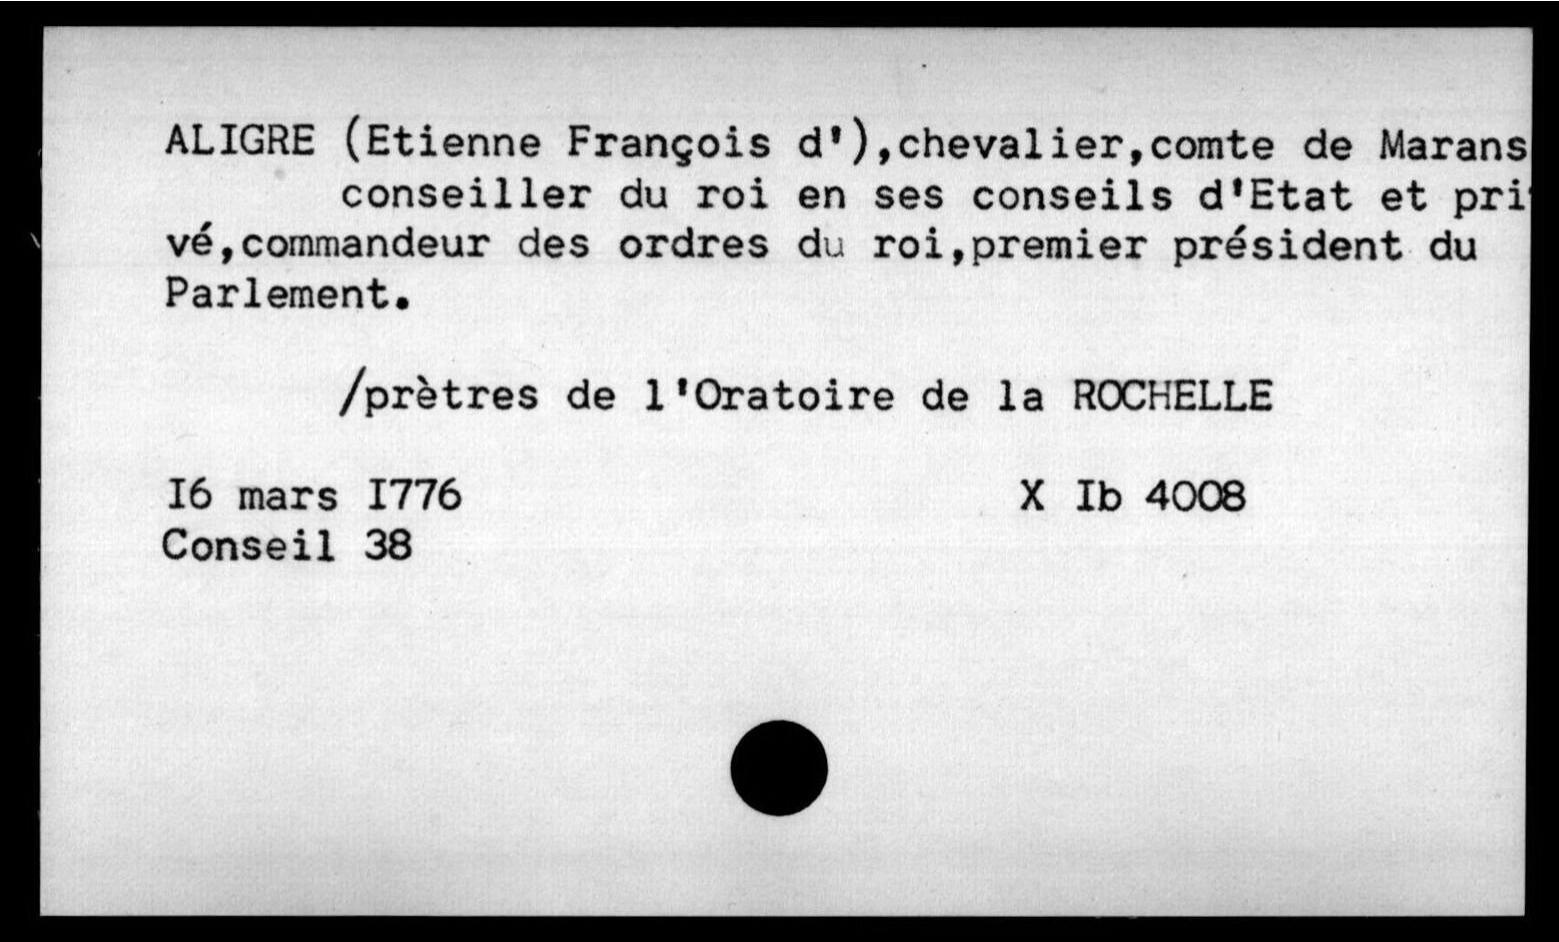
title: ALIGRE (Etienne François d'), chevalier, comte de Marans conseiller du roi en ses conseils d'État et priv vé, commandeur des ordres du roi, premier président du Parlement.
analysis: Contre Prêtres de l'Oratoire de la ROCHELLE
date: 16 mars 1776
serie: X1b
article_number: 4008
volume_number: Conseil 38
